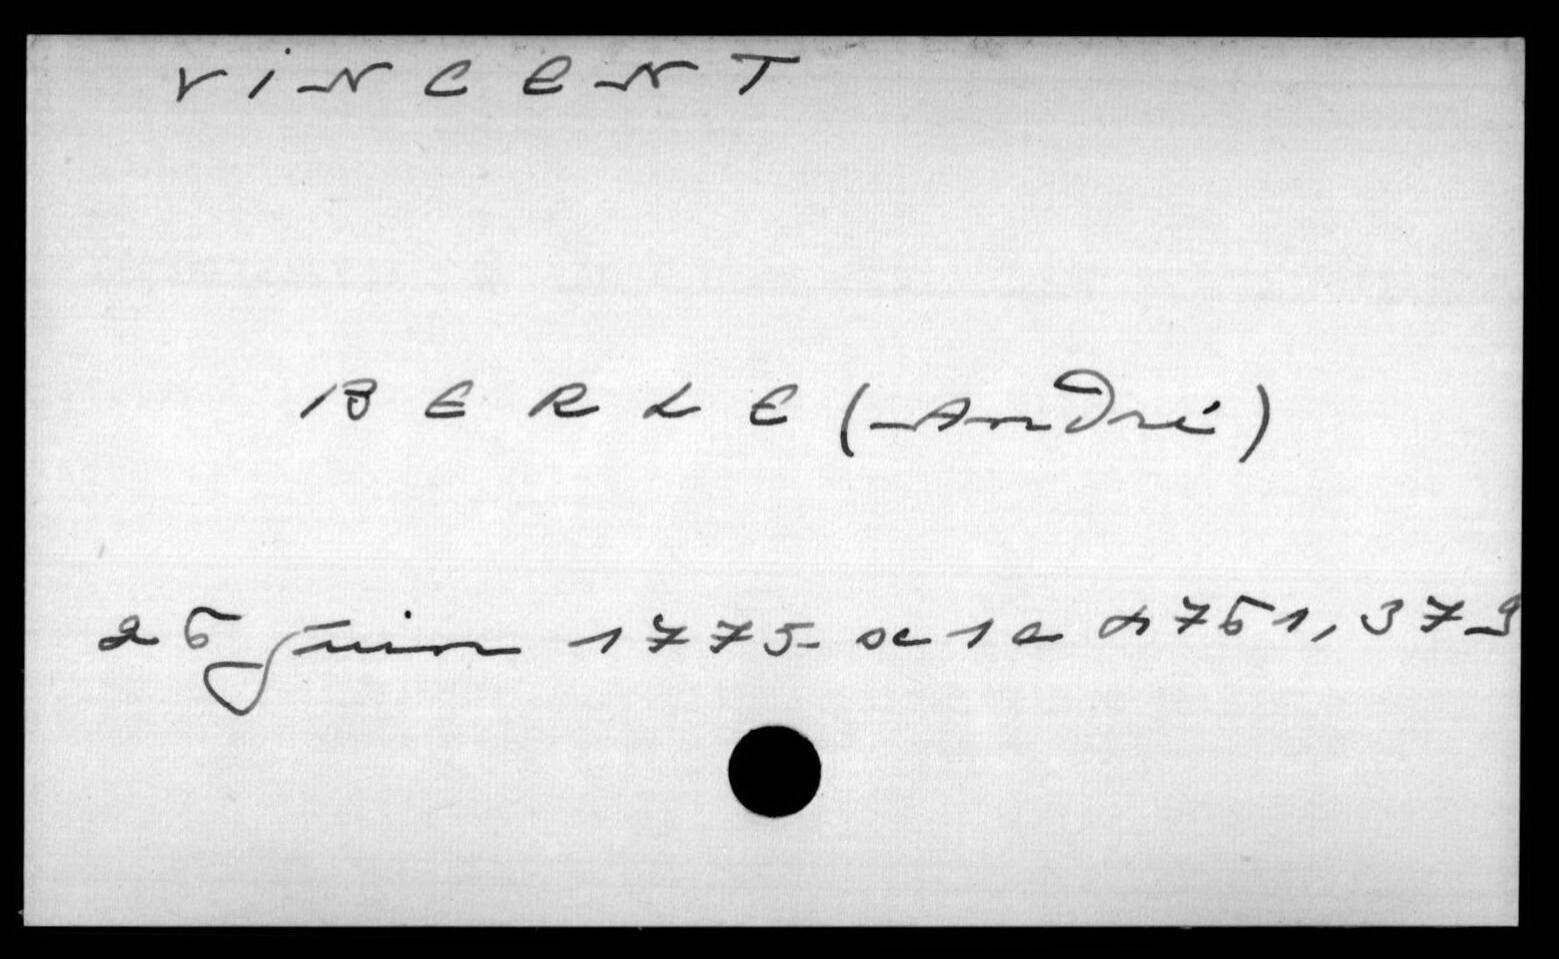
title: VINCENT
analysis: Contre Berle (André)
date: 26 juin 1775
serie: X1a
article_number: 4761
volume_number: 379
